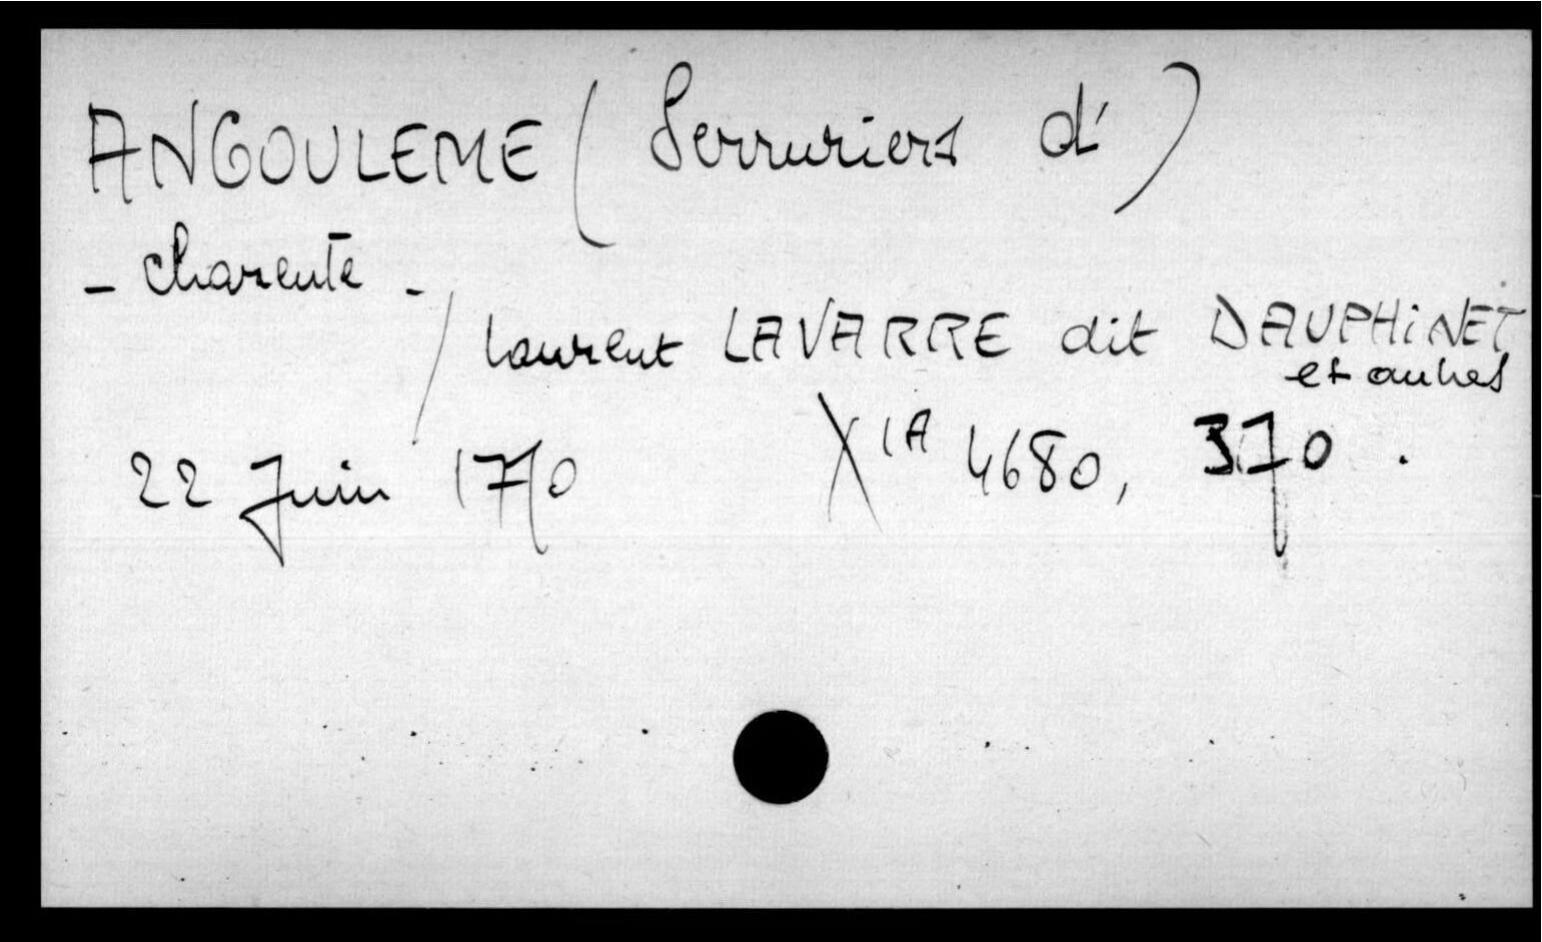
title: ANGOULEME (Serruriers d') - Charente -
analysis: Contre Laurent LAVARRE dit DAUPHINET et autres
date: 22 juin 1770
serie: X1A
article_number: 4680
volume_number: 370
